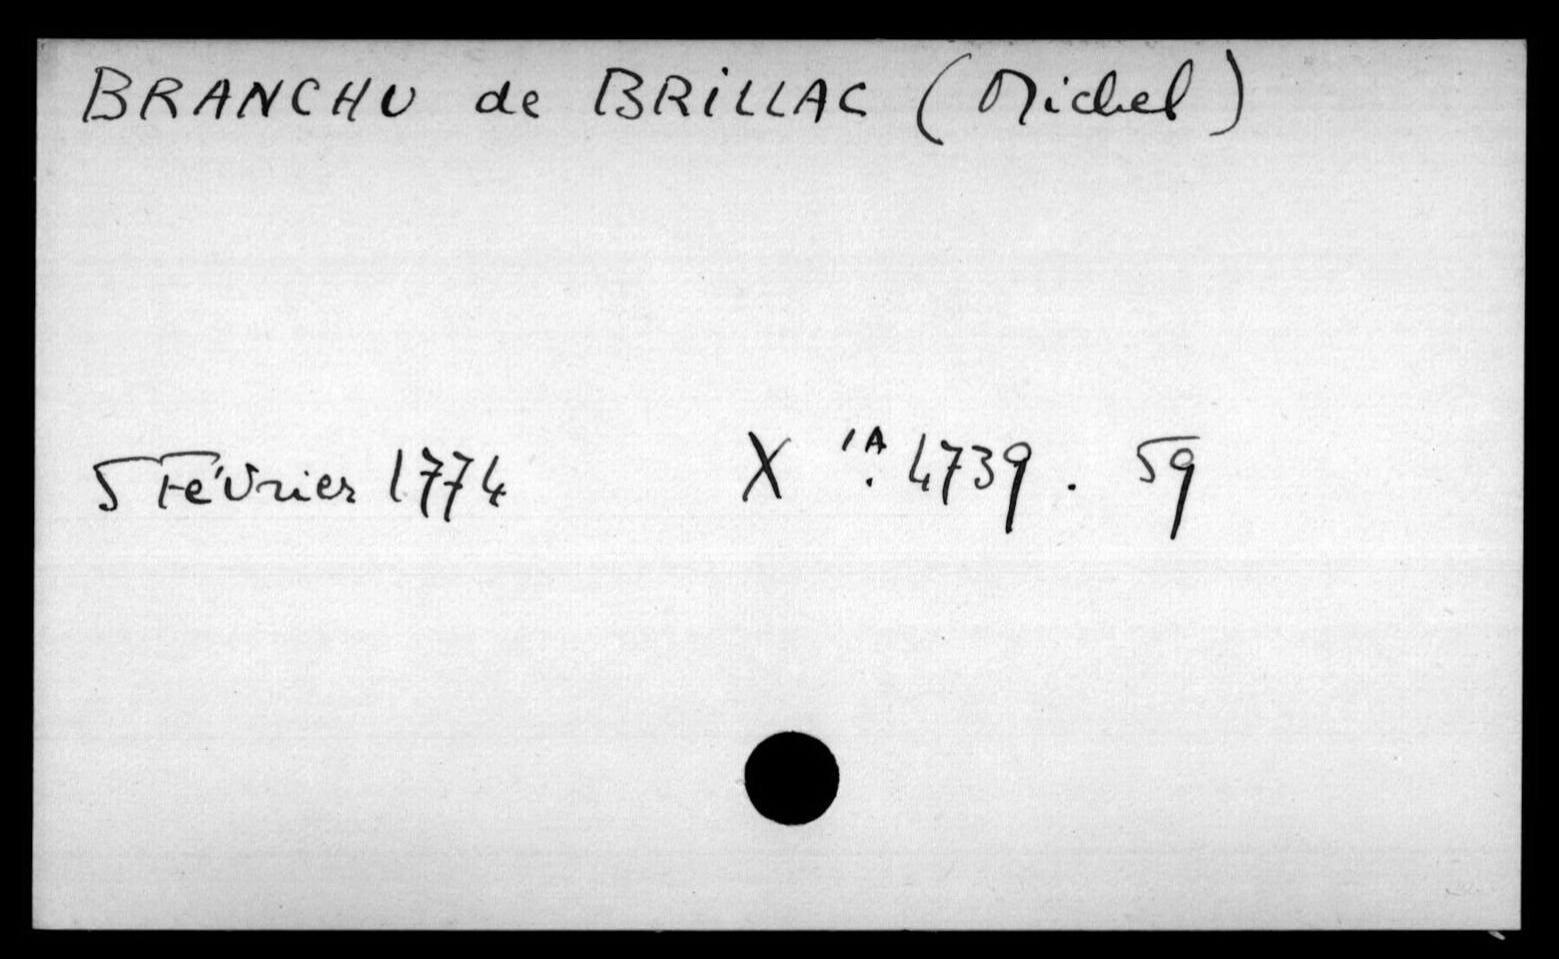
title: BRANCHU de BRILLAC (Michel)
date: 5 février 1774
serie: X1A
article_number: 4739
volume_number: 59
